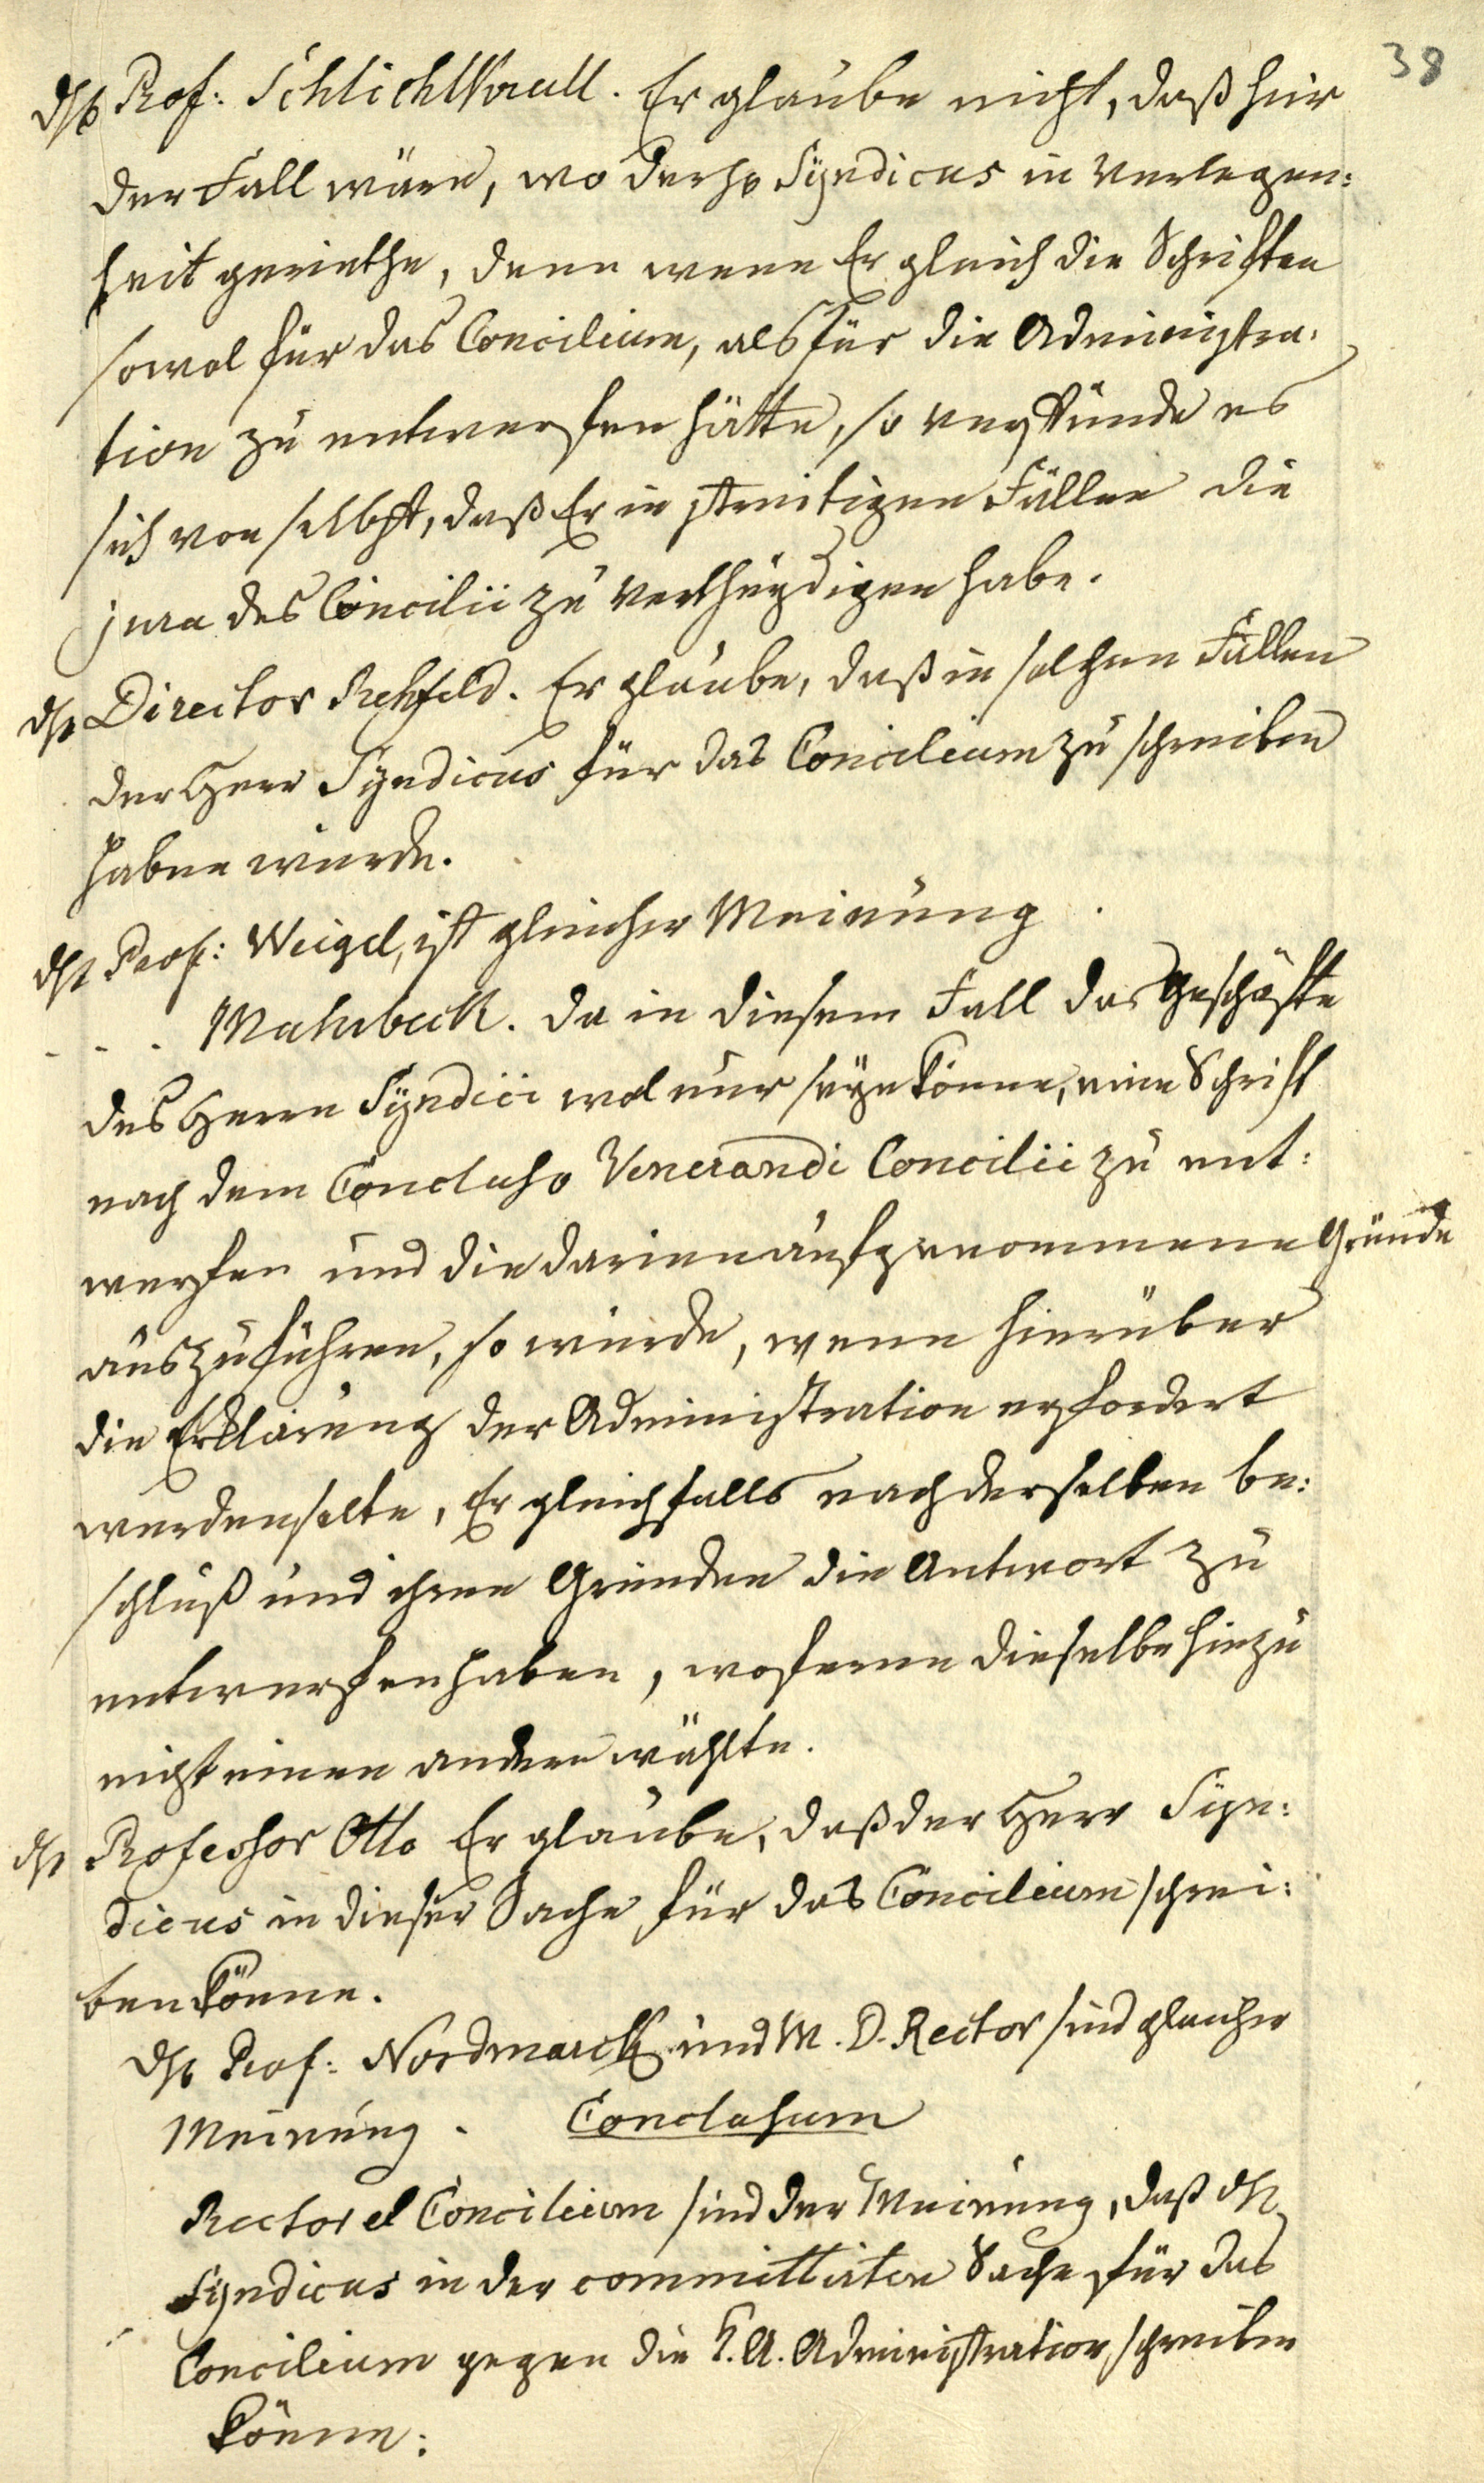dh Prof. Schlichtkrull. Er glaube nicht, daß hier
der Fall wäre, wo der h Sÿndicus in Verlegen¬
heit geriethe, denn wenn Er gleich die Schriften
sowol für das Concilium, als für die Administra¬
tion zu entwerfen hätte, so verstünde es
sich von selbst, daß Er in streitigen Fällen die
jura des Concilii zu vertheÿdigen habe.
dh. Director Rehfeld. Er glaube, daß in solchen Fällen
der Herr Sÿndicus für das Concilium zu schreiben
haben würde.
dh. Prof. Weigel ist gleicher Meinung.
Muhrbeck. Da in diesem Fall das Geschäfte
des Herrn Sÿndici wol nur seÿn könne, eine Schrift
nach dem Concluso Venerandi Concilii zu ent¬
werfen und die darinn aufgenommene Gründe
auszuführen, so würde, wenn hierüber
die Erklärung der Administration erfordert
werden solte, Er gleichfalls nach derselben Be¬
schluß und ihren Gründen die Antwort zu
entwerfen haben, woferne dieselbe hiezu
nicht einen andern wählte.
dh Professor Otto Er glaube, daß der Herr Sÿn¬
dicus in dieser Sache für das Concilium schrei¬
ben könne.
dh Prof. Nordmarck und M. D. Rector sind gleicher
Meinung.
Conclusum
Rector et Concilium sind der Meinung, daß dh
Sÿndicus in der committirten Sache für das
Concilium gegen die K. A. Administration schreiben
könne.